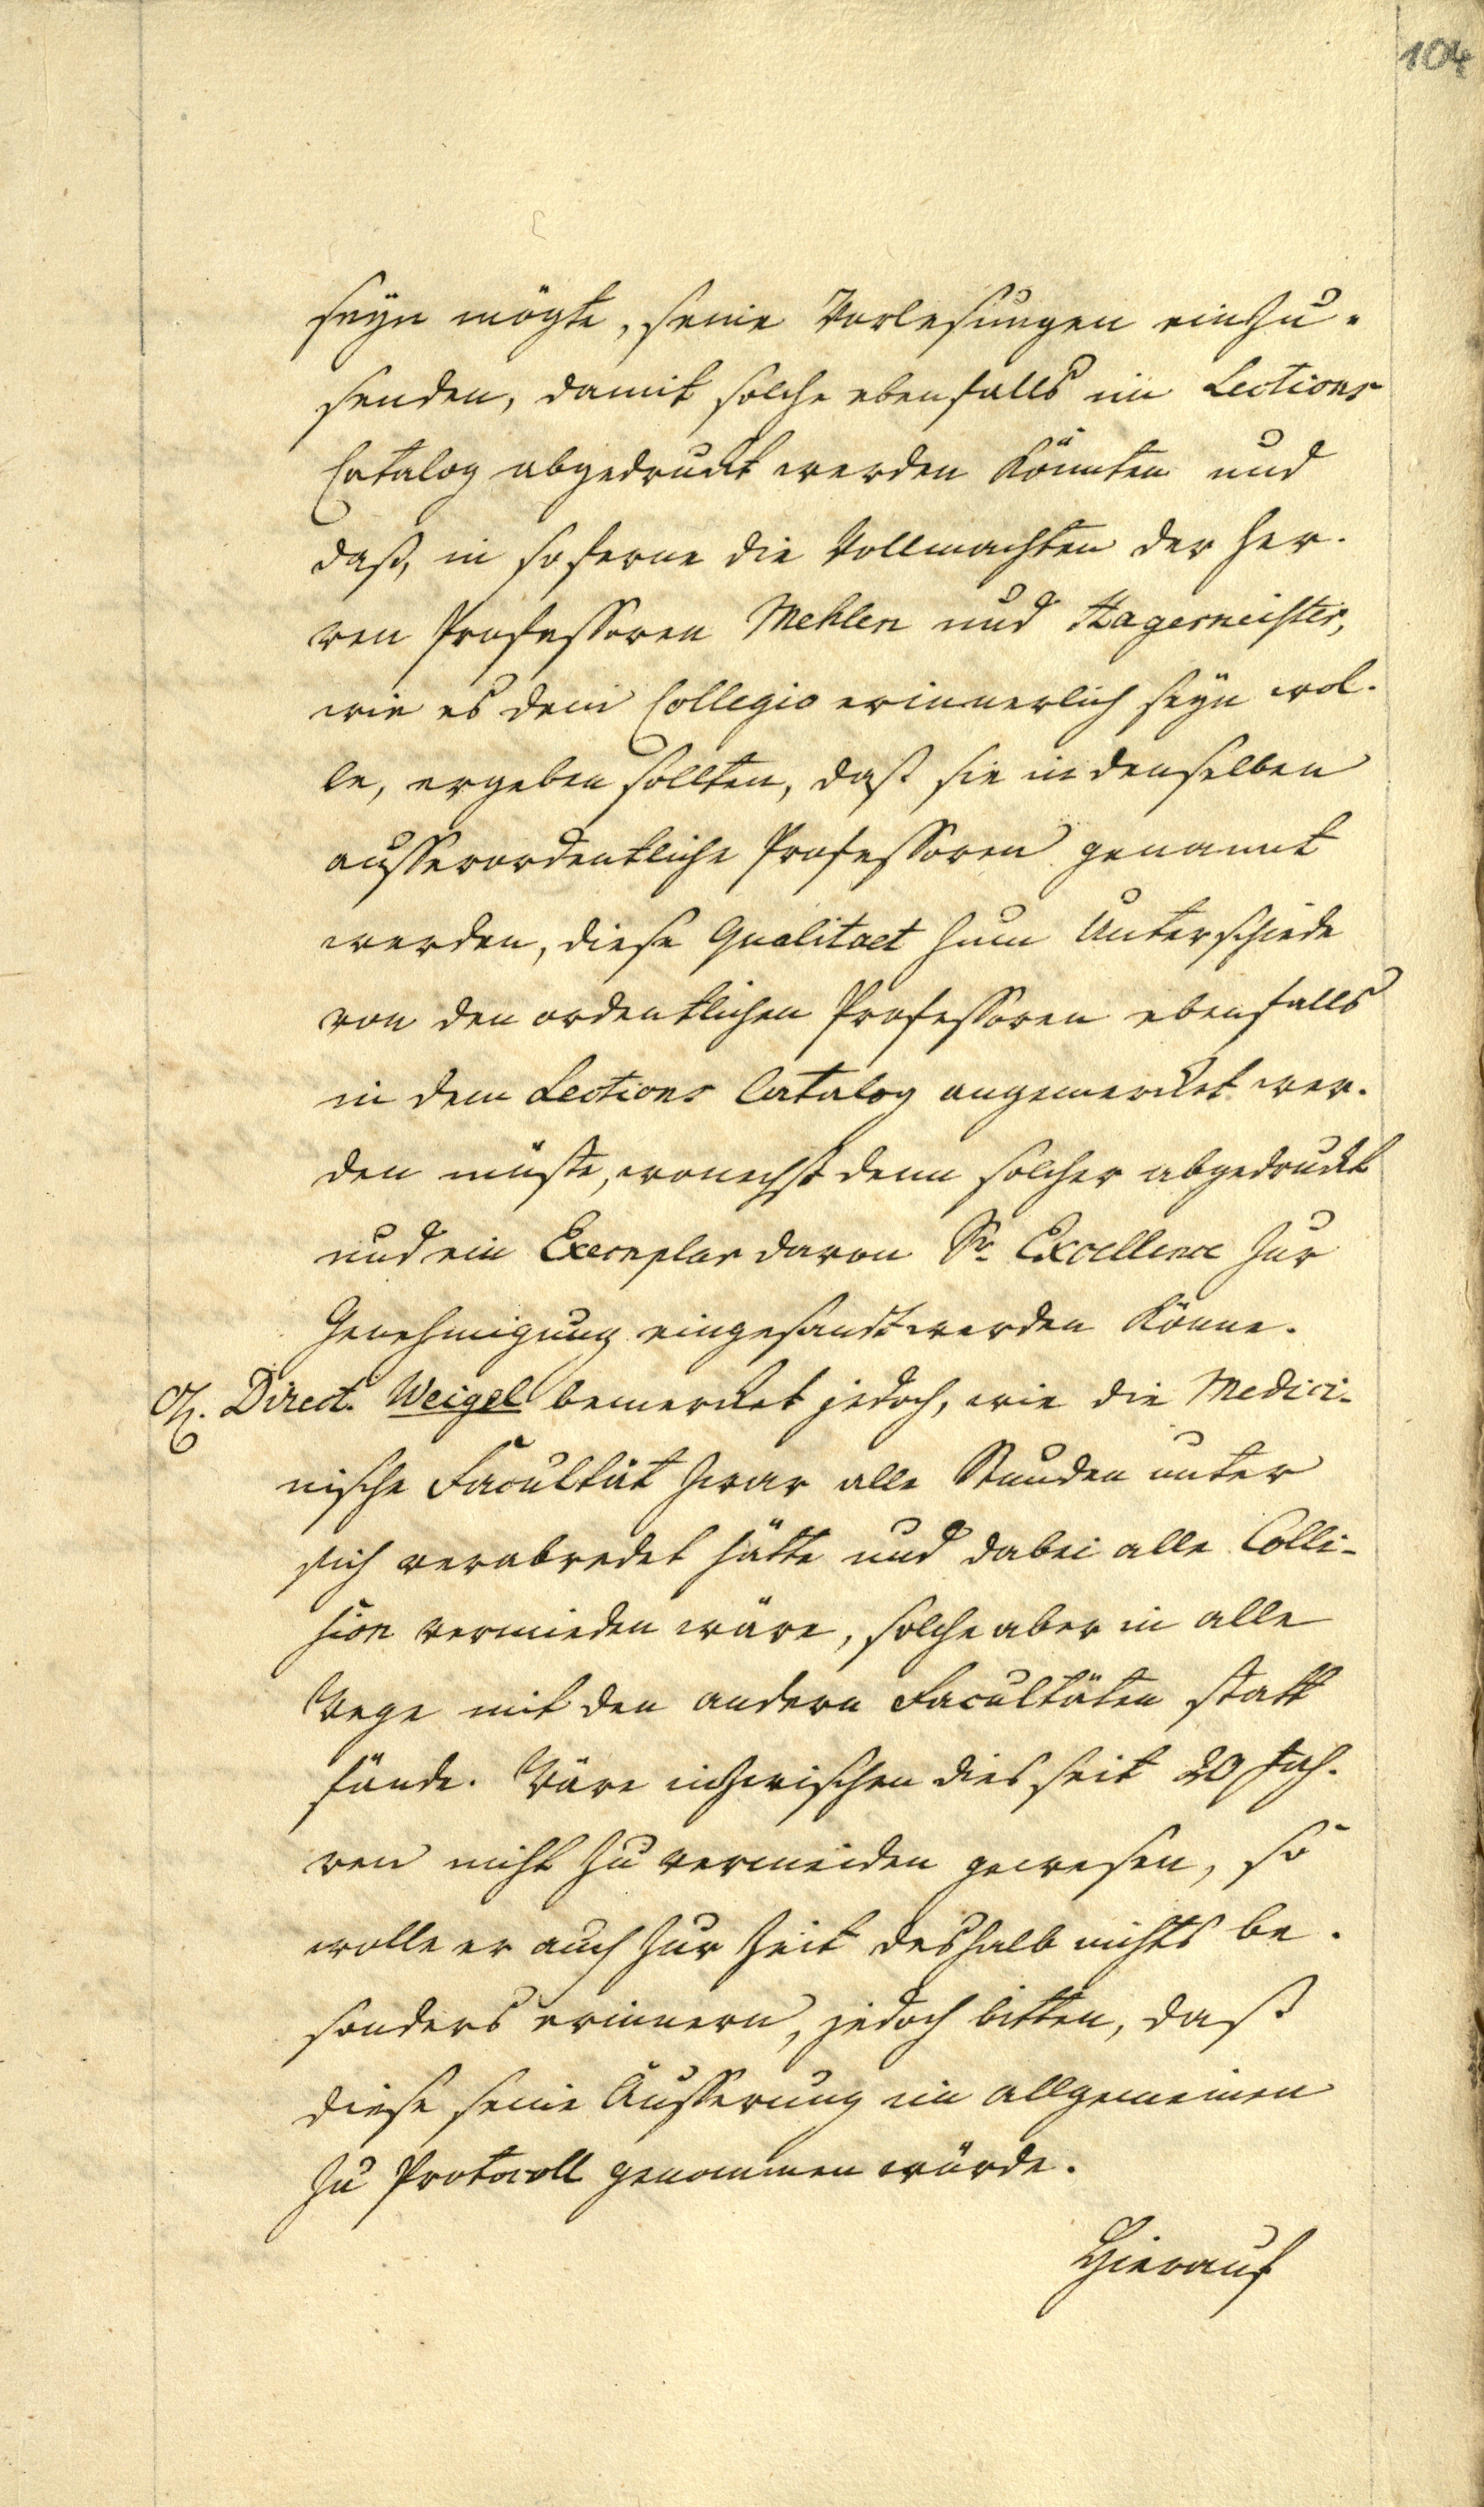seÿn mögte, seine Vorlesungen einzu¬
senden, damit solche ebenfalls im Lections
Catalog abgedruckt werden könnten und
daß, in so ferne die Vollmachten der Her¬
ren Professoren Mehlen und Hagemeister,
wie es dem Collegio erinnerlich seÿn wol¬
le, ergeben sollten, daß sie in denselben
ausserordentliche Professoren genannt
werden, diese Qualitaet zum Unterschiede
von den ordentlichen Professoren ebenfalls
in dem Lections Catalog angemercket wer¬
den müßte, wonechst denn solcher abgedruckt
und ein Exemplar davon Sr Excellence zur
Genehmigung eingesandt werden könne.
dh. Direct Weigel bemercket jedoch, wie die Medici¬
nische Facultät zwar alle Stunden unter
sich verabredet hätte und dabei alle Colli¬
sion vermieden wäre, solche aber in alle
Wege mit den andern Facultäten statt
fände. Wäre inzwischen dies seit 20 Jah¬
ren nicht zu vermeiden gewesen, so
wolle er auch zur Zeit deshalb nichts be¬
sonders erinnern, jedoch bitten, daß
diese seine Äusserung im Allgemeinen
zu Protocoll genommen würde.
Hierauf